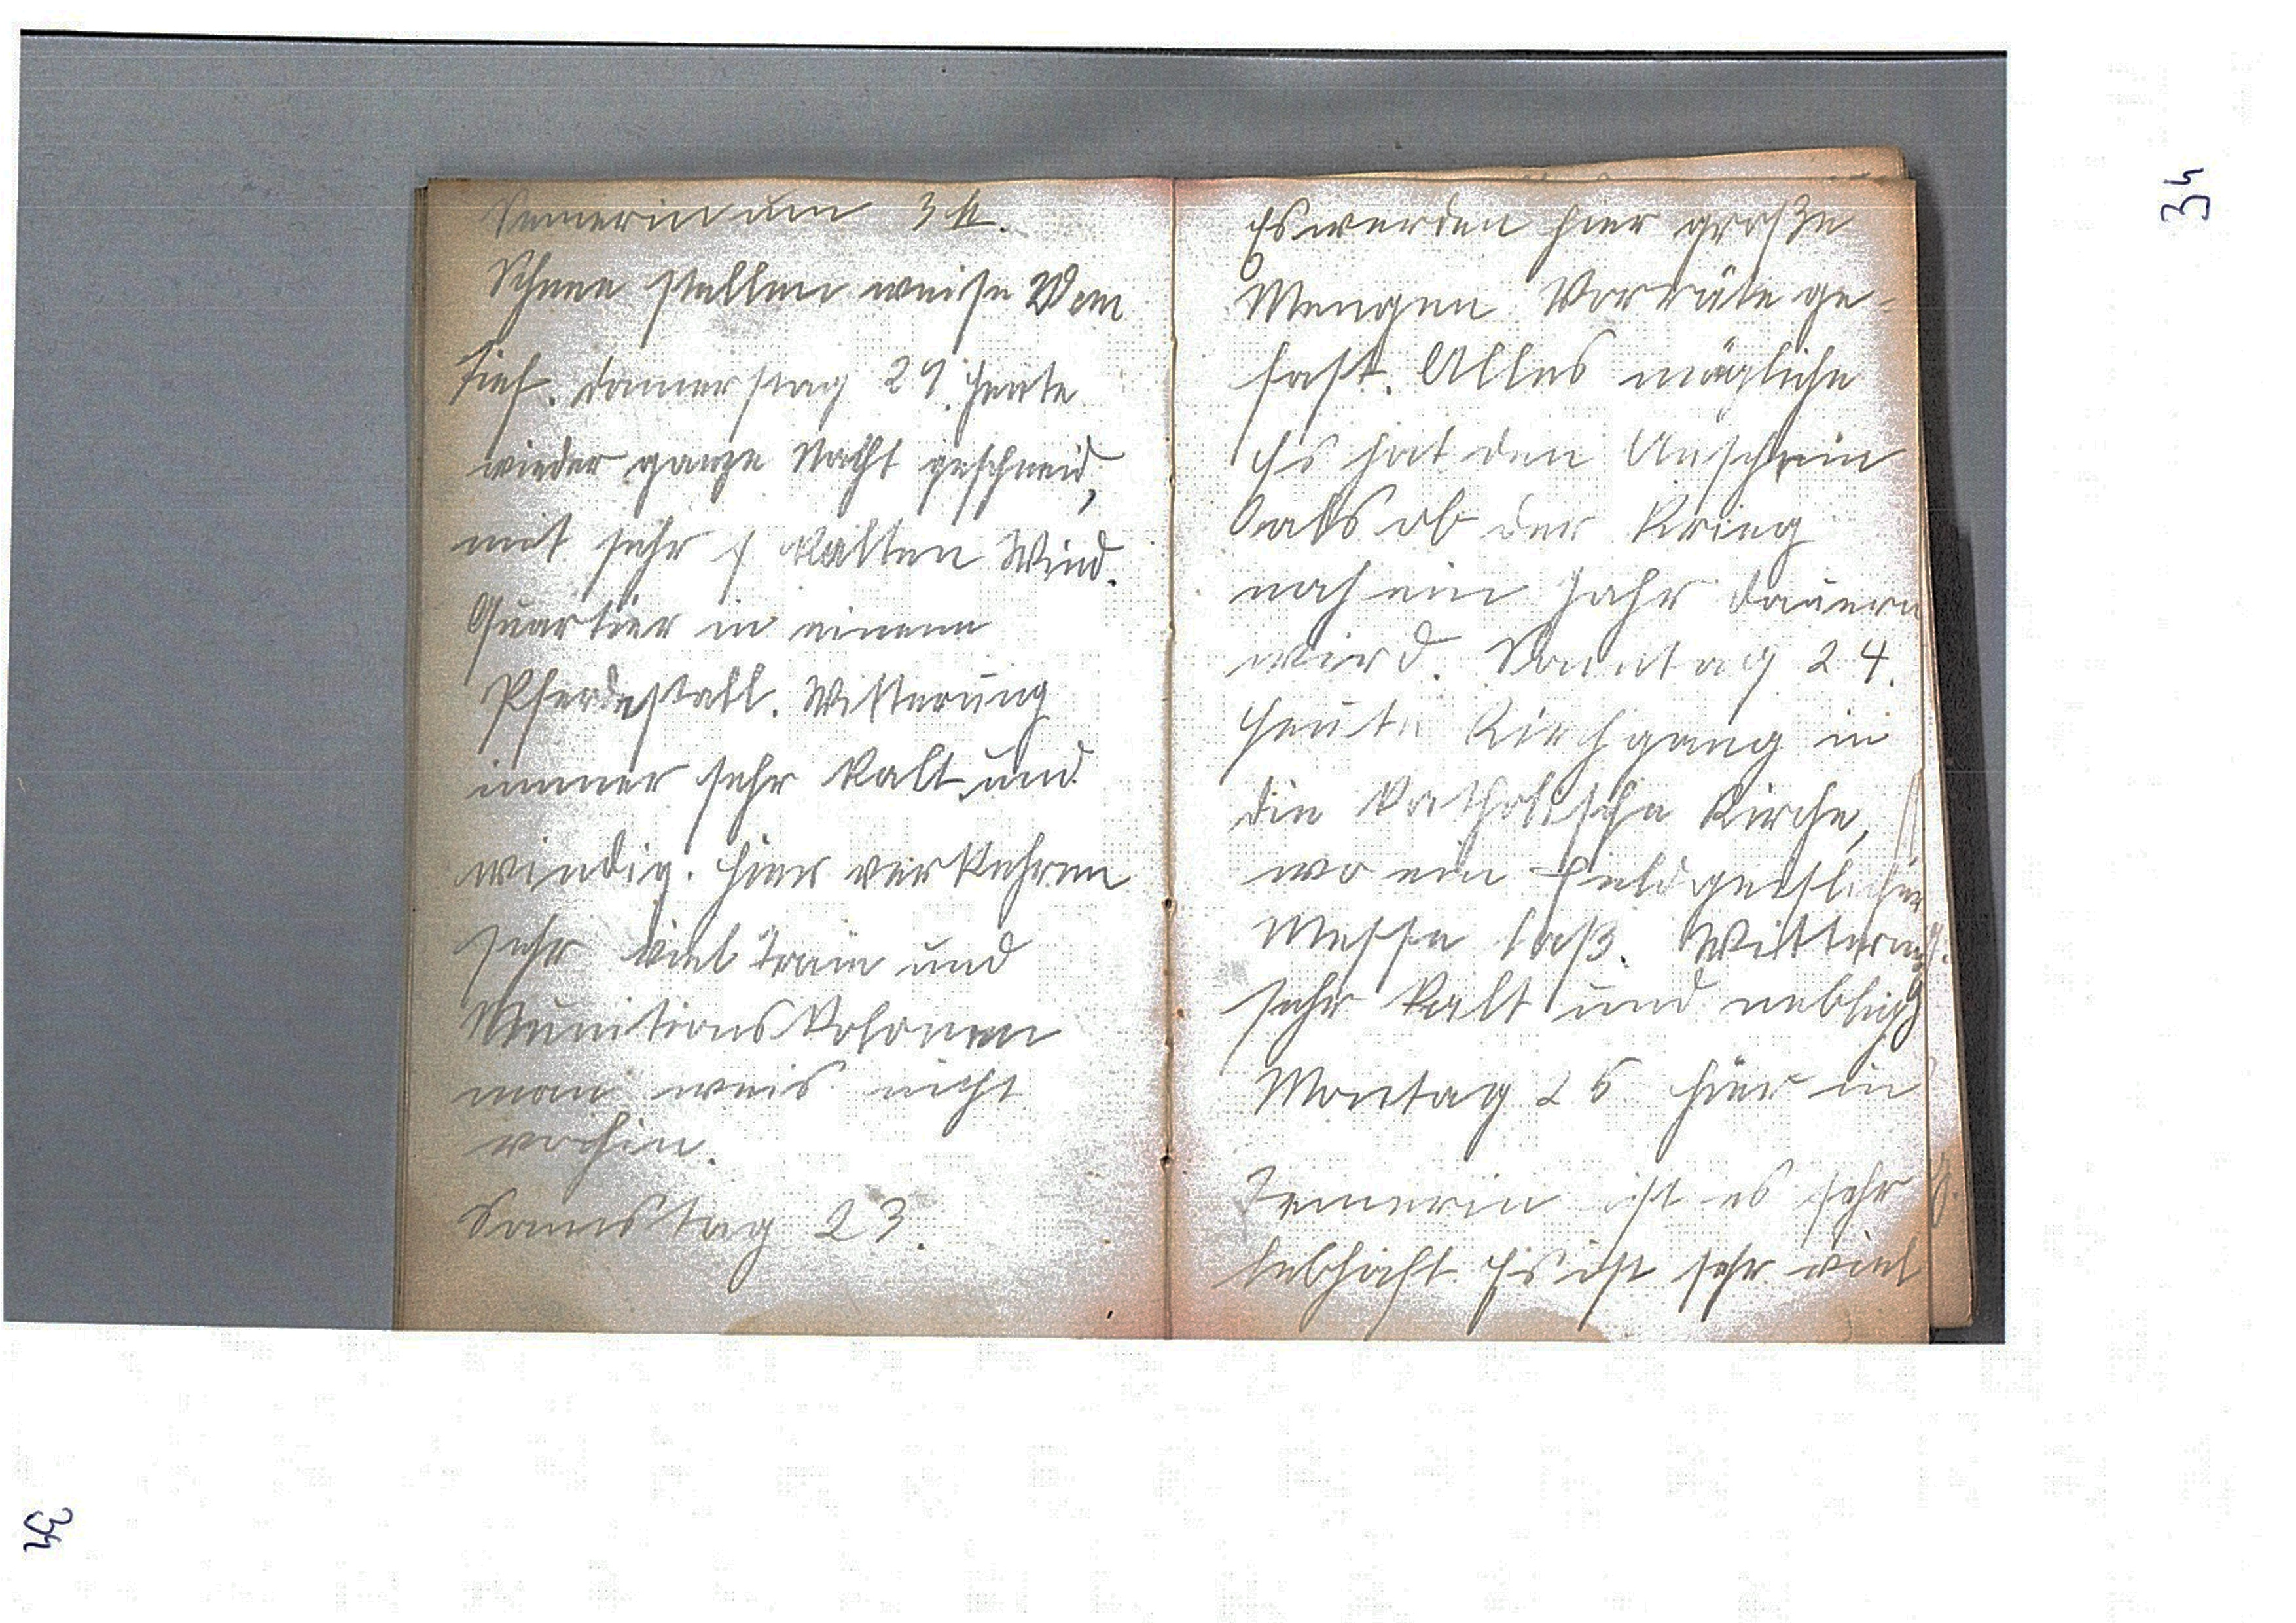Semwin um 3h.
Schnee stellen weise 20 cm
tief. Donnerstag 21.Heute
wieder ganz Nacht geschneit,
mit sehr kaltem Wind.
Quartier in einem
Pferdestall. Witterung
immer sehr kalt und
windig. Hier verkehren
sehr viel Train und
Munitionskolonnen
man weis nicht
wohin.
Sonntag 23.
Es werden hier große
Mengen Vorräte ge-
fasst. Alles mögliche
Es hat den Anschein
als ob der Krieg
noch ein Jahr dauern
wird. Dienstag 24.
Heute Kirchgang in
die katholische Kirche
wo ein Geistlicher
Messe laß. Witterung
sehr kalt und neblig
Montag 25. hier in
Temerin ist es sehr
lebhaft es ist sehr viel